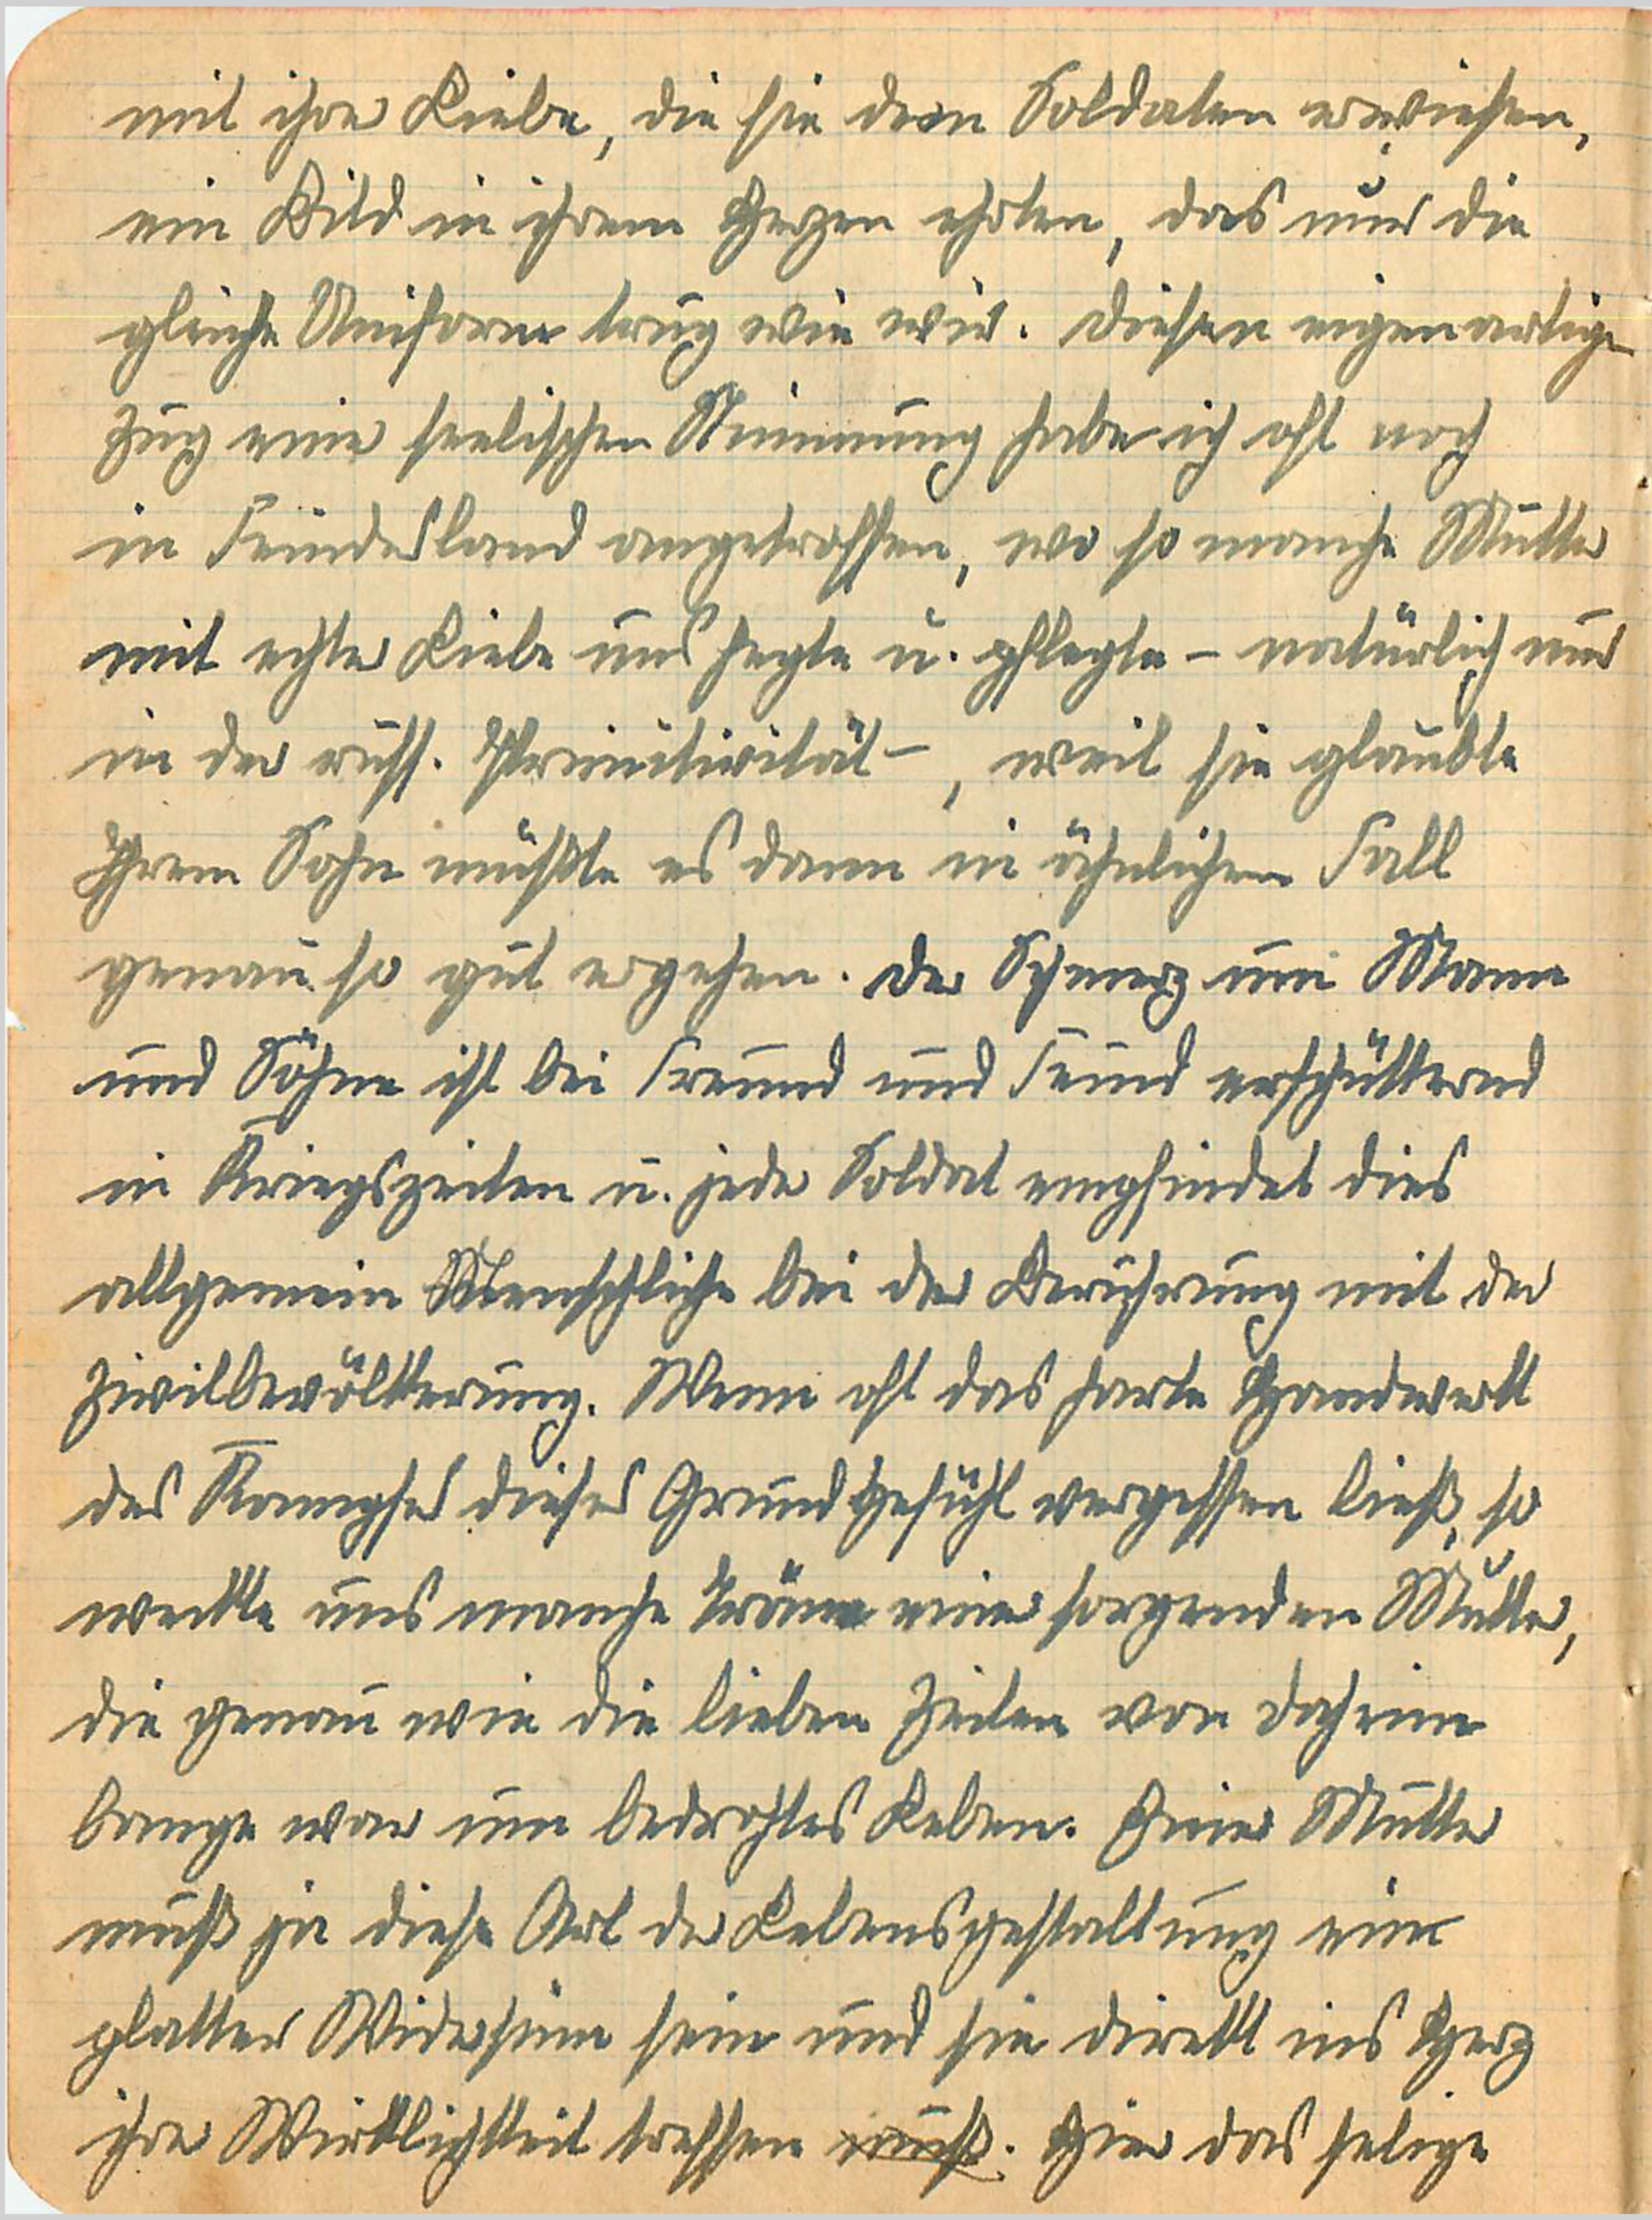mit ihrer Liebe, die sie den Soldaten erwiesen,
ein Bild in ihrem Herzen ehrten, das nur die
gleiche Uniform trug wie wir. Diesen eigenartigen
Zug einer seelischen Stimmung habe ich oft noch
in Feindesland angetroffen, wo so manche Mutter
mit echter Liebe uns hegte u. pflegte – natürlich nur
in der russ. Primitivität –, weil sie glaubte
Ihrem Sohn müßte es dann in ähnlichem Fall
genauso gut ergehen. Der Schmerz um Mann
und Söhne ist bei Freund und Feind erschütternd
in Kriegszeiten u. jeder Soldat empfindet dies
allgemein Menschliche bei der Berührung mit der
Zivilbevölkerung. Wenn oft das harte Handwerk
des Kampfes dieses Grundgefühl vergessen ließ, so
weckte uns manche Träne einer sorgenden Mutter,
die genau wie die lieben Zeilen von daheim
bange war um bedrohtes Leben. Einer Mutter
muß ja diese Art der Lebensgestaltung eine
glatter Widersinn sein und sie direkt ins Herz
ihrer Wirklichkeit treffen muß. Hier das selige